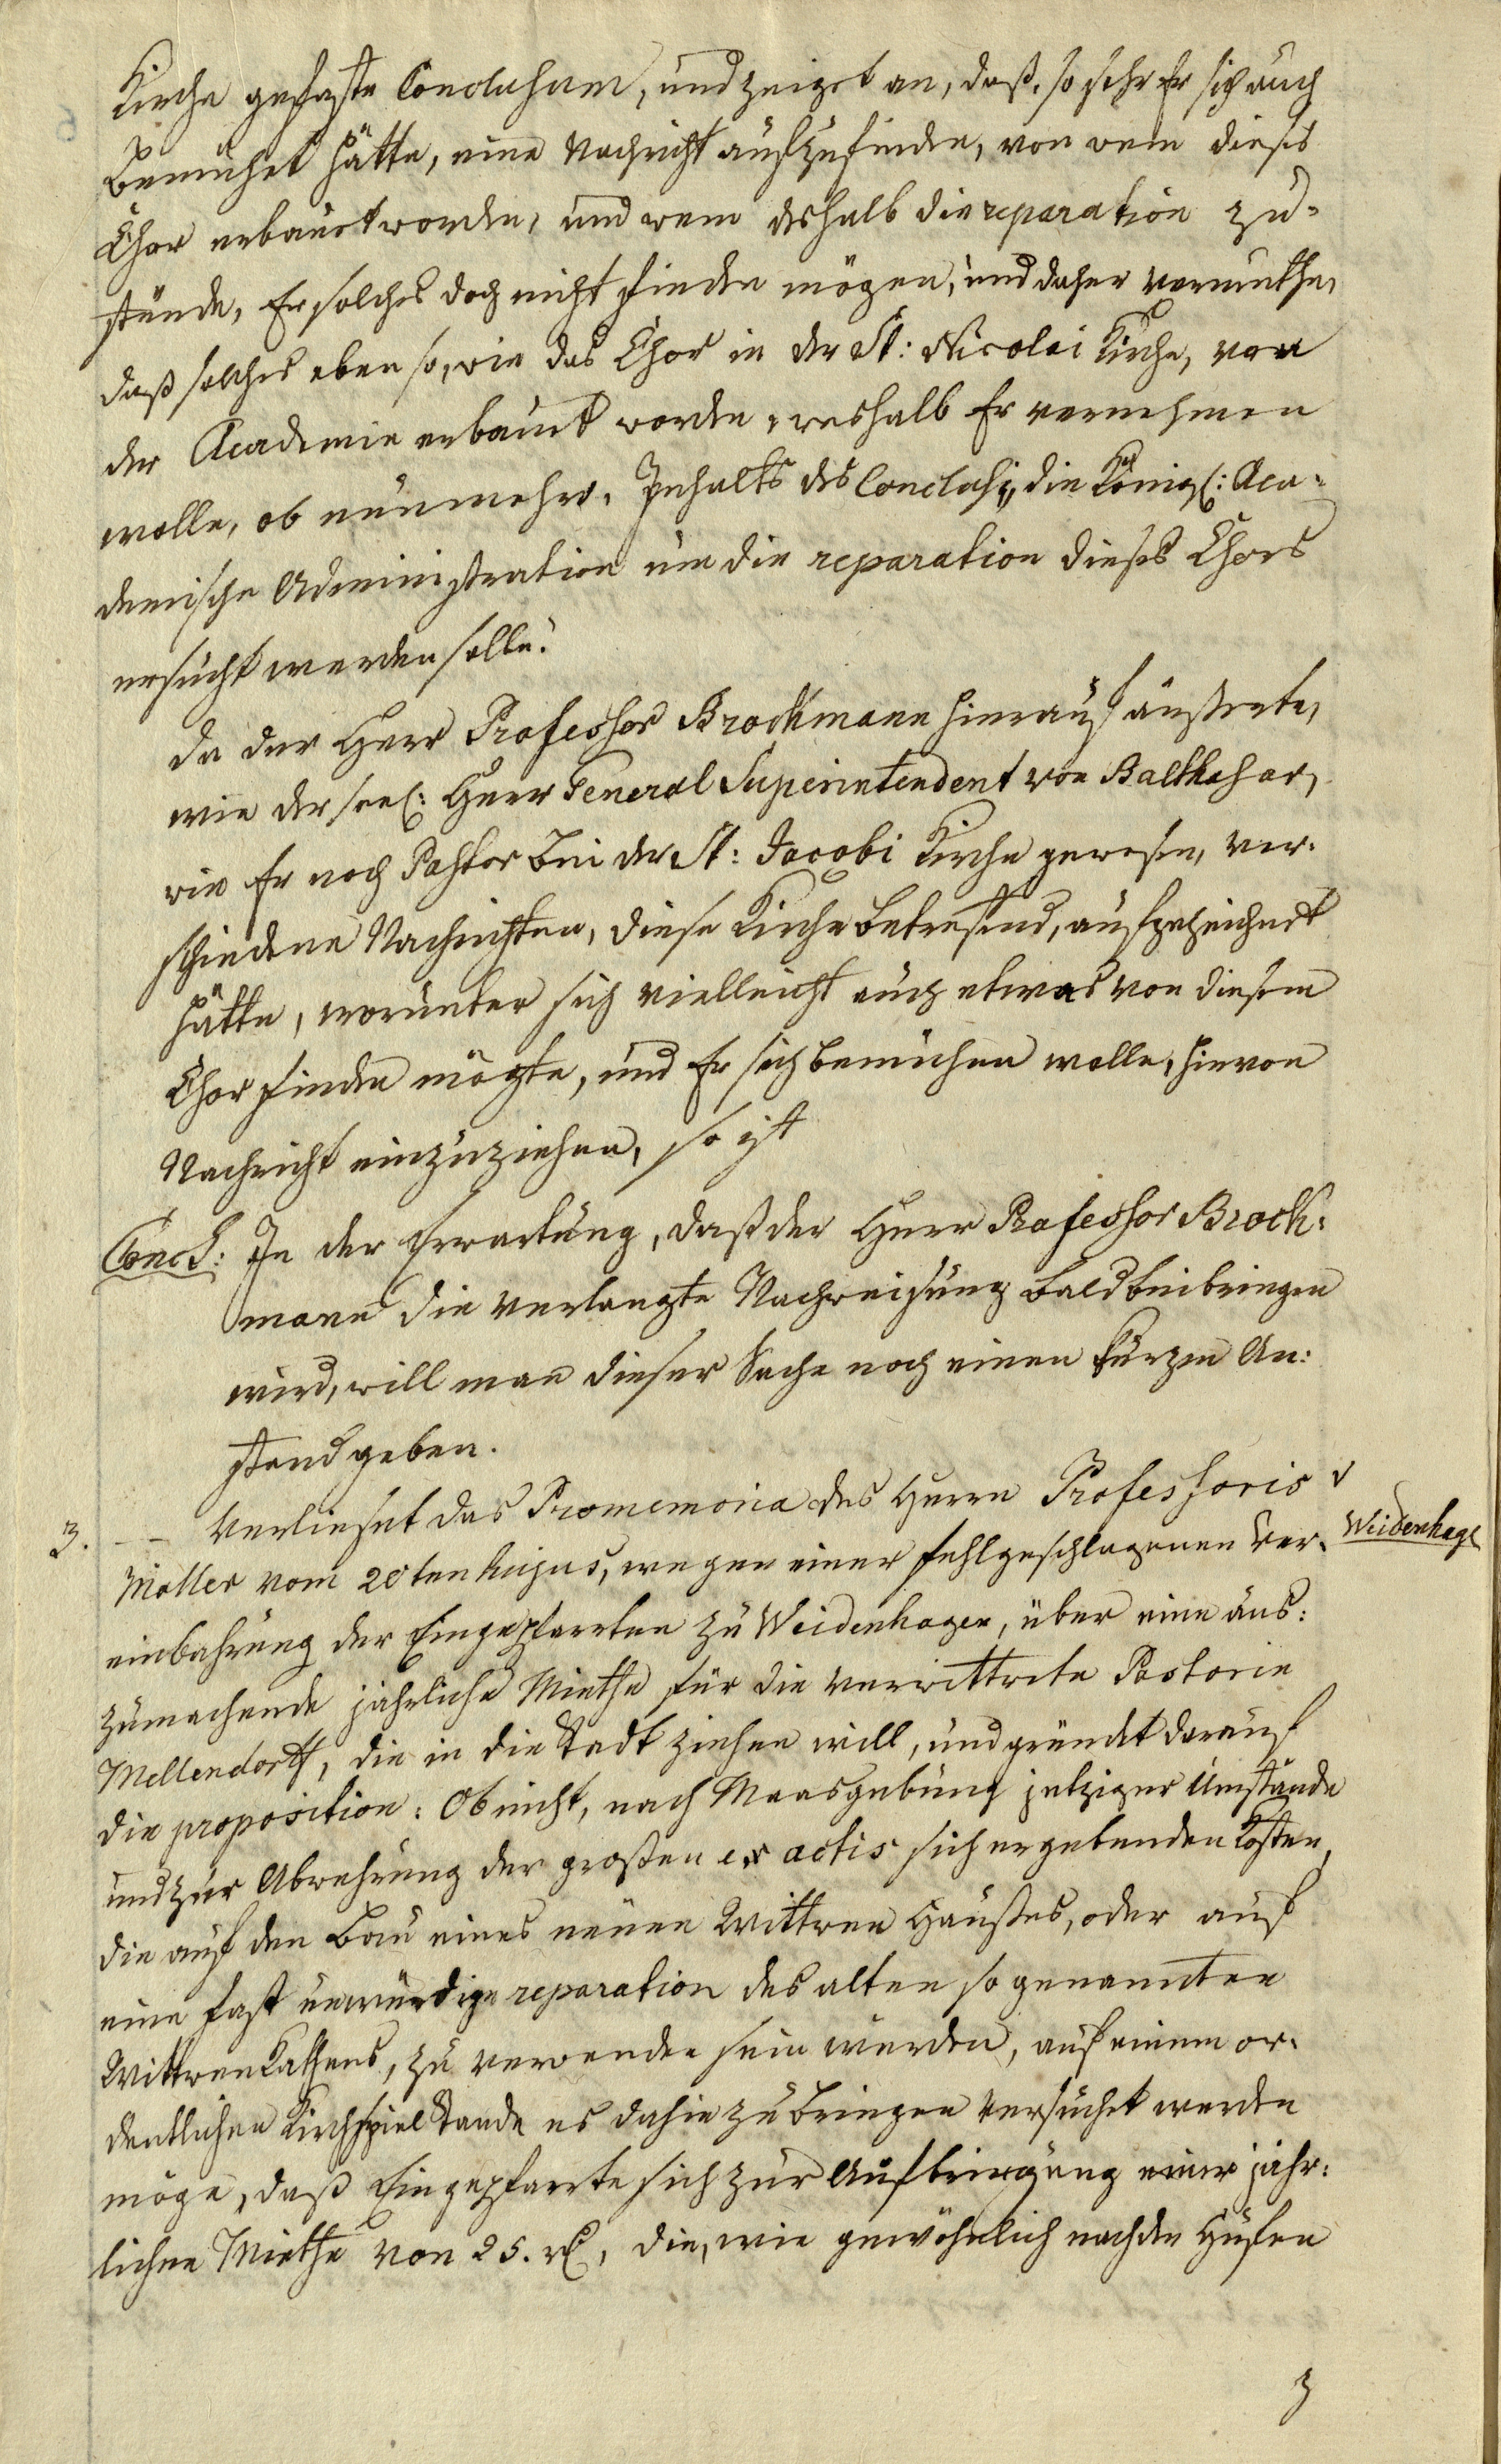Kirche gefaßte Conclusum, und zeiget an, daß, so sehr Er sich auch
bemühet hätte, eine Nachricht aufzufinden, von wem dieses
Chor erbauet worden, und wem deshalb die reparation zu¬
stünde, Er solches doch nicht finden mögen, und daher vermuthe,
daß solches eben so, wie das Chor in der St. Nicolai Kirche, von
der Academie erbauet worden, weshalb Er vernehmen
wolle, ob nunmehro Inhalts des Conclusii, die Königl. Aca¬
demische Administration um die reparation dieses Chors
ersucht werden solle.
Da der Herr Professor Brockmann hierauf äußerte,
wie der seel. Herr General Superintendent von Balthasar,
wie Er noch Pastor bei der St. Jacobi Kirche gewesen, ver¬
schiedene Nachrichten, diese Kirche betreffend, aufgezeichnet
hätte, worüber sich vielleicht auch etwas von diesem
Chor finden mögte, und Er sich bemühen wolle, hievon
Nachricht einzuziehen, so ist
Concl. In der Erwartung, daß der Herr Professor Brock¬
mann die verlangte Nachweisung bald beibringen
wird, will man dieser Sache noch einen kurzen An¬
stand geben.
3. Verlieset das Promemoria des Herrn Professoris
Möller vom 20ten hujus, wegen einer fehlgeschlagenen Ver¬ Weidenhagen
einbahrung der Eingepfarrten zu Weidenhagen, über eine aus¬
zumachende jährliche Miethe für die verwittwete Pastorin
Mellendorff, die in die Stadt ziehen will, und gründet darauf
die proposition: Ob nicht nach Maasgebung jetziger Umstände
und zur Abwehrung der großen ex actis sich ergebenden Kosten,
die auf den Bau eines neuen Wittwen Haußes, oder auf
eine fast unwürdige reparation des alten so genannten
Wittwen Kathens, zu verwenden sein würden, auf einem or¬
dentlichen Kirchspiel Stande es dahin zu bringen versuchet werden
möge, daß Eingepfarrte sich zur Aufbringung einer jähr¬
lichen Miethe von 25. r. die, wie gewöhnlich nach den Hufen